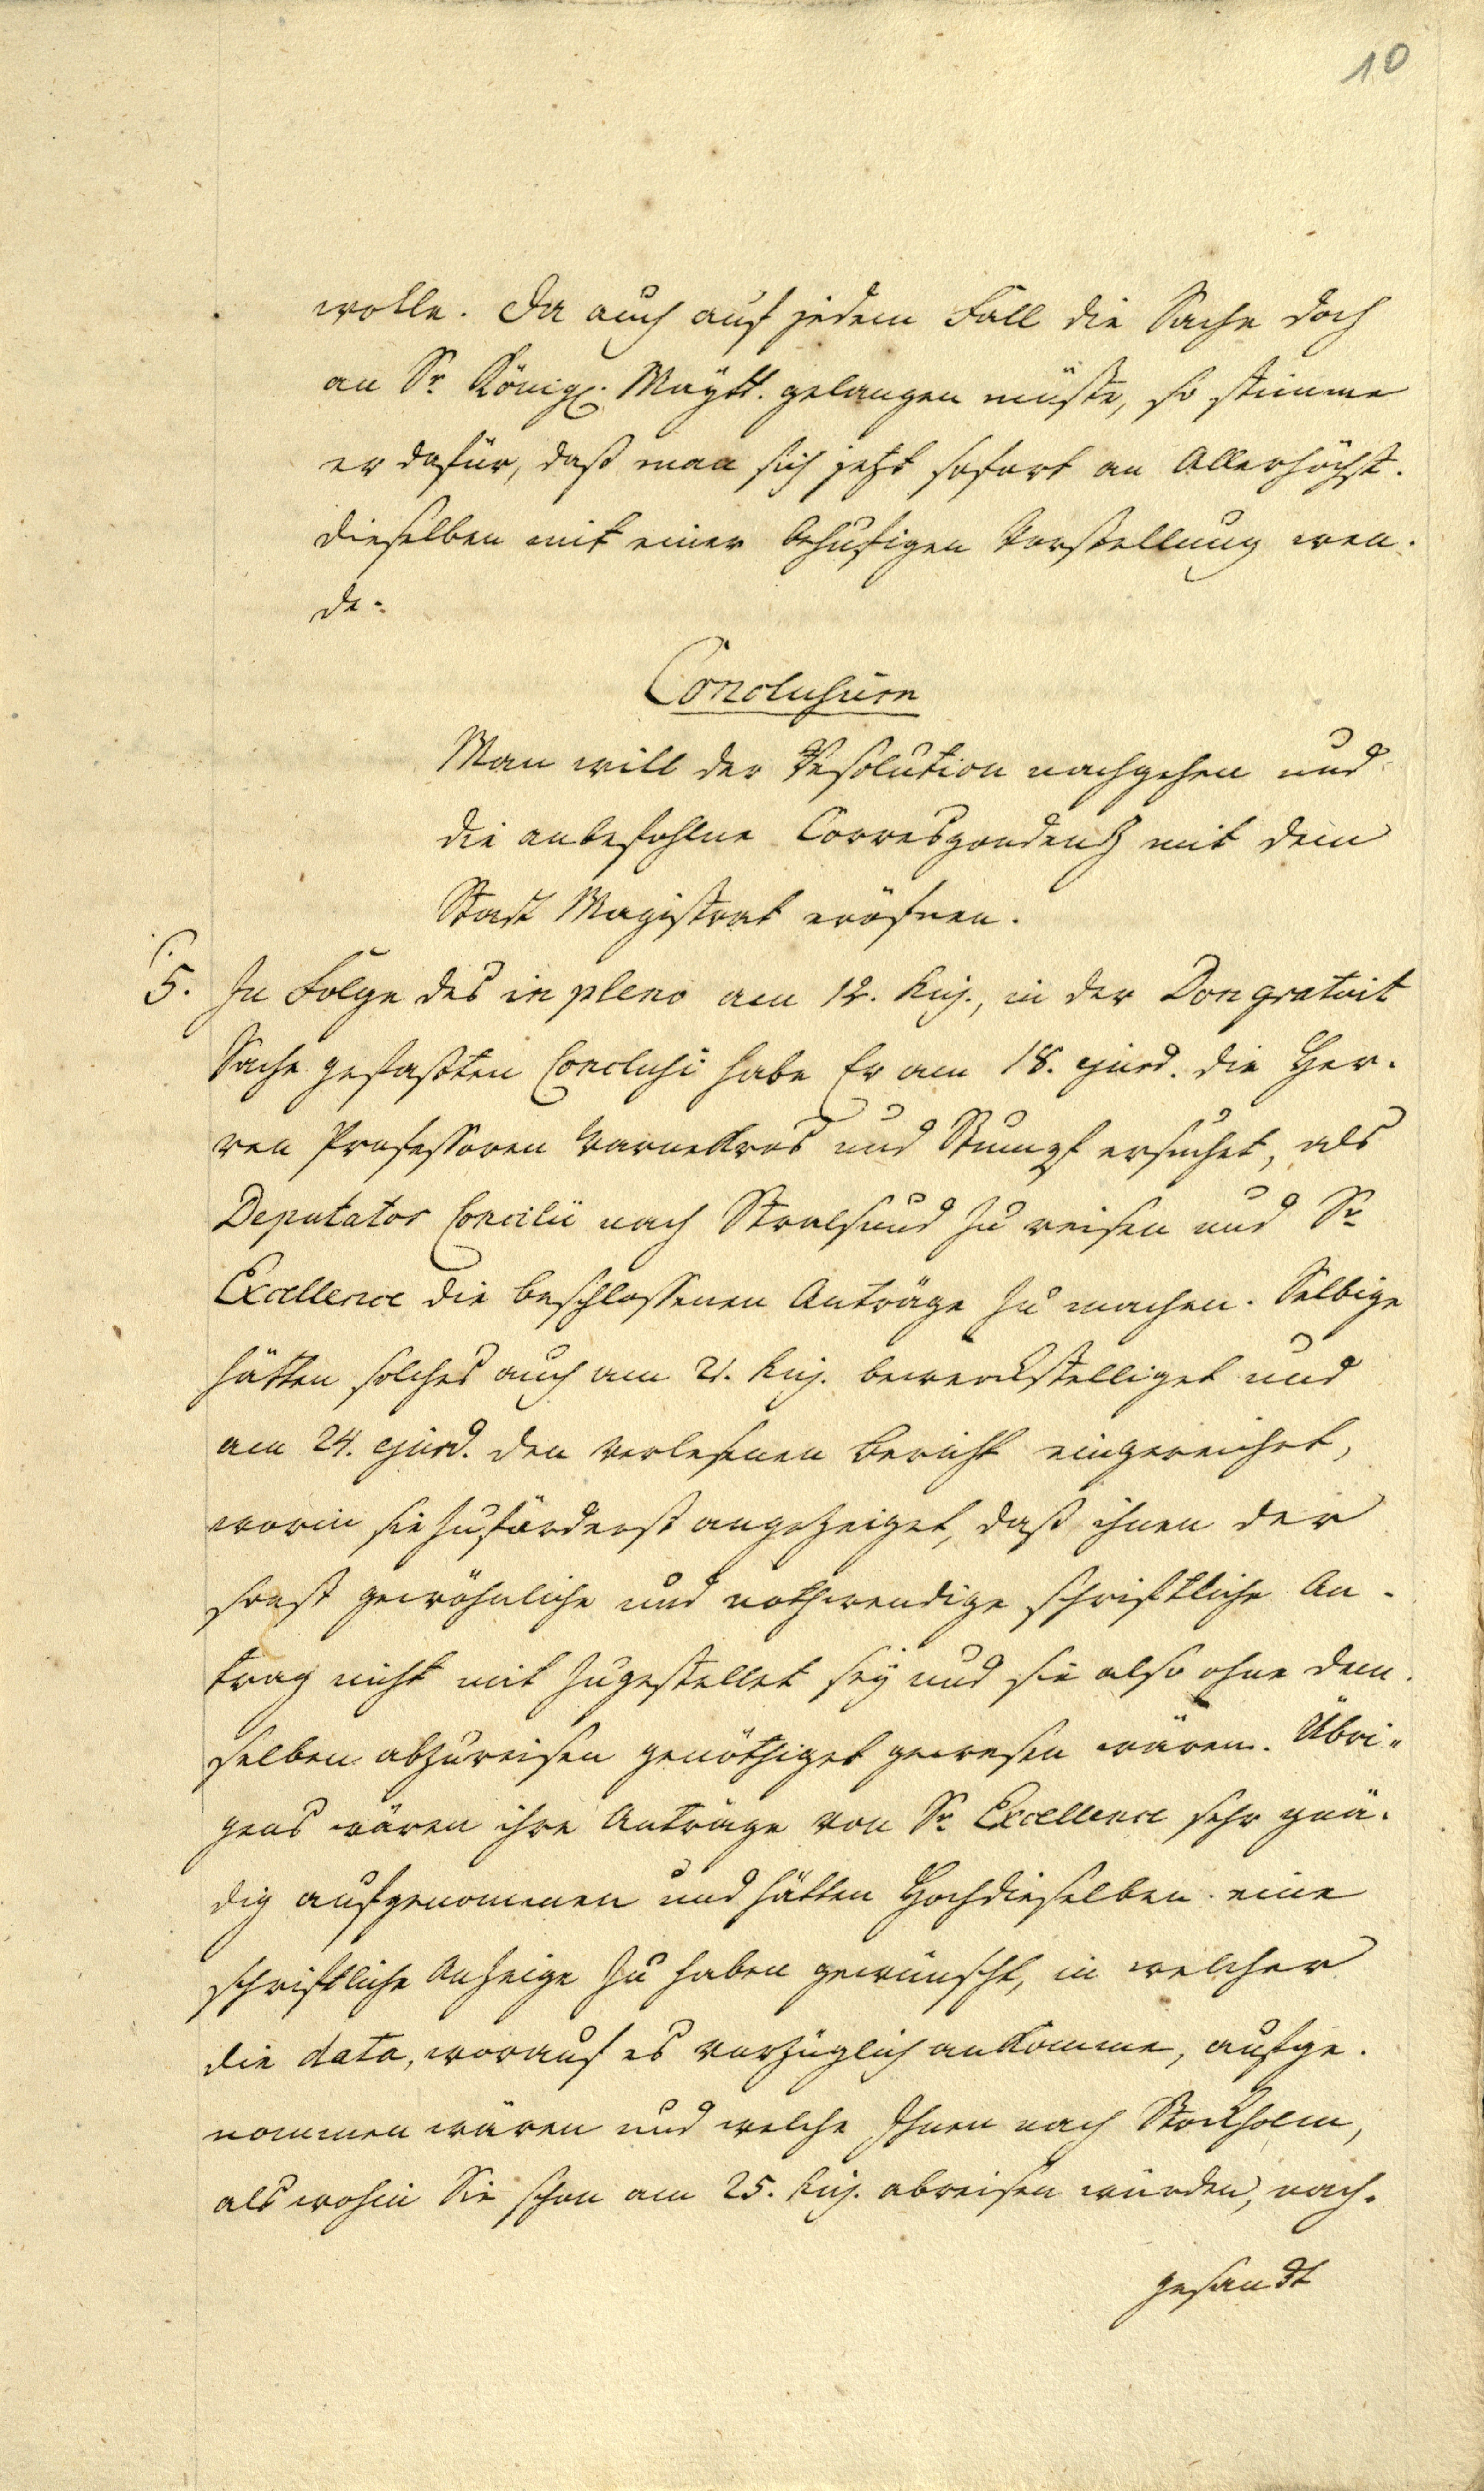wolle. Da auch auf jeden Fall die Sache doch
an Sr. Königl. Maÿtt. gelangen müste, so stimme
er dafür, daß man sich jetzt sofort an Allerhöchst¬
dieselben mit einer behufigen Vorstellung wen¬
de.
Conclusum
Man will der Resolution nachgehen und
die anbefohlene Correspondenz mit dem
Stadt Magistrat eröfnen.
5. In Folge des in pleno am 12. huj., in der Don gratuit
Sache gefaßten Conclusi habe Er am 18. ejusd. die Her¬
ren Professoren Warnekros und Stumpf ersuchet, als
Deputatos Concilii nach Stralsund zu reisen und Sr.
Excellence die beschlossenen Anträge zu machen. Selbige
hätten solches auch am 21. huj. bewerckstelliget und
am 24. ejusd. den verlesenen Bericht eigereichet,
worin sie zu förderst angezeiget, daß ihnen der
sonst gewöhnliche und nothwendige schriftliche An¬
trag nicht mit zugestellet seÿ und sie also ohne dem¬
selben abzureisen genöthiget gewesen wären. Übri¬
gens wären ihre Anträge von Sr. Excellence sehr gnä¬
dig aufgenommen und hätten Hochdieselben eine
schriftliche Anzeige zu haben gewünscht, in welcher
die data, worauf es vorzüglich ankomme, aufge¬
nommen wären und welche Ihnen nach Stockholm,
als wohin Sie schon am 25. huj. abreisen würden, nach¬
gesandt.